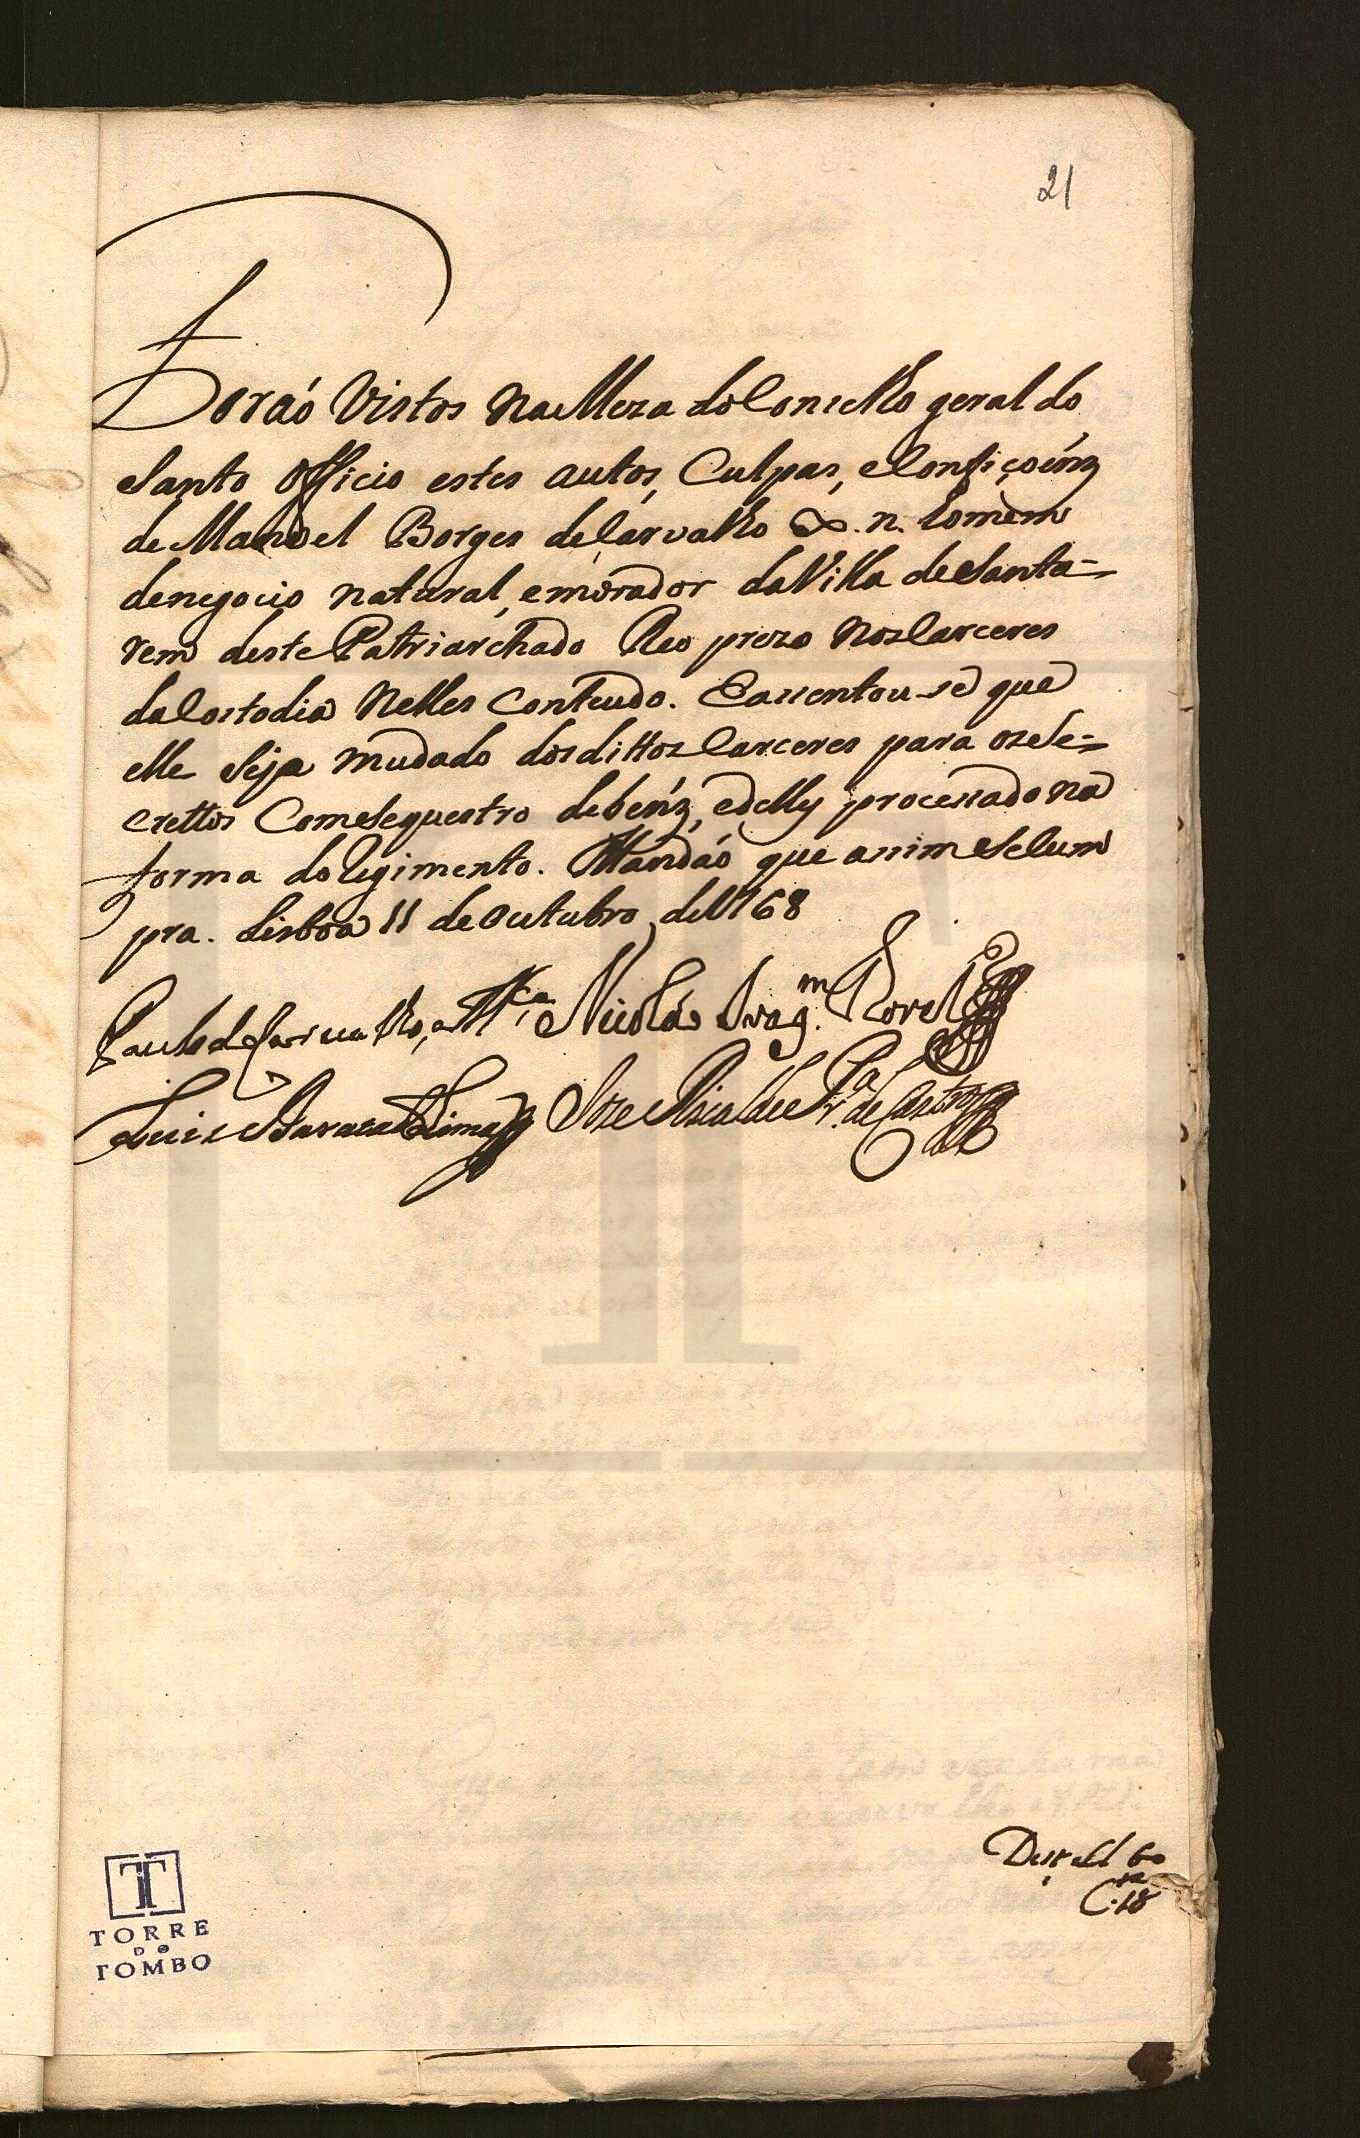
Foraõ vistos na Meza do Conselho geral do
Santo officio estes autos, Culpas, e Confiçoẽnz
de Manoel Borges de Carvalho x. n. homem
de negocio natural, e morador da Villa de Santa
rem deste Patriarchado Reo prezo noz Carceres
da Costodia Nelles Conteudo. E assentou-se que
elle Seja mudado dos ditos Carceres para oz se
crettos Com Sequestro de benz, e delles processado na
forma do Regimento. Mandaõ que assim Se Cum
pra. Lisboa 11 de outubro de 1768
Paulo de Carualho, a Mça Nicoláo Ioaq.m Thorel
Luis Barata de Lima
Ioze Riscalde Pr.a de Caztro
Deste Cl 60
C.ta 18
